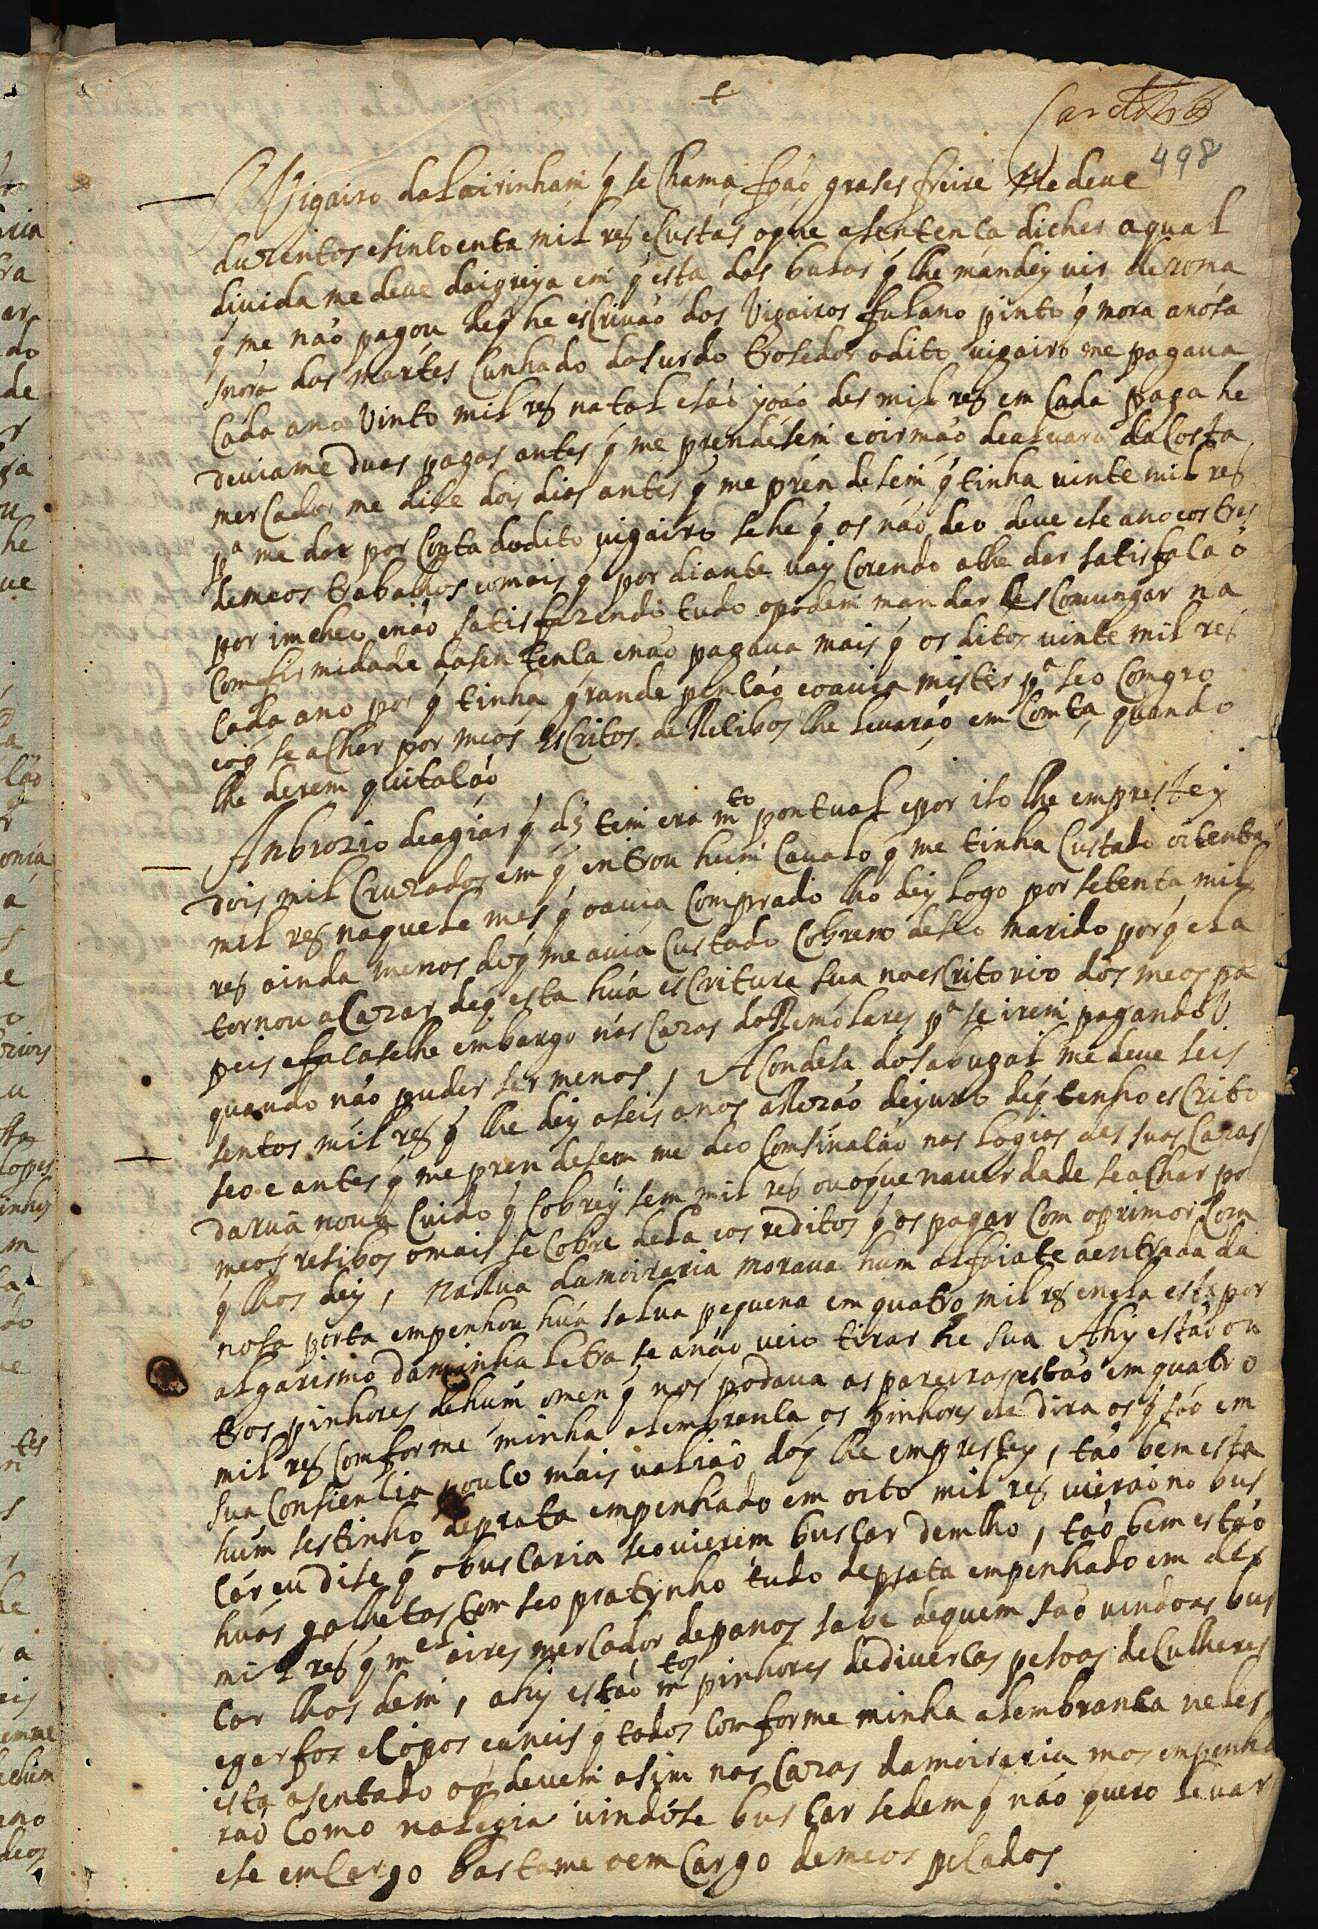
O Vigairo da Loirinham q̄ se Chama foaõ grases freire lhe deue
duzentos e sincoenta miL res̄ e Custas o que a sentença dicher a qual
diuida me deue da igreya em q̄ esta dos bulos q̄ lhe mandey uir de roma,
q̄ me naõ pagou de q̄ he esCriuaõ dos Vigairos fulano pinto q̄ mora a nosa
snorā dos martes Cunhado do surdo trosedor o dito uigairo me pagaua
Cada ano vinto mil res̄ nataL e saõ yoaõ des mil res̄ em Cada paga he
deuiame duas pagas antes q̄ me prendésem e o irmaõ de aluaro da Costa
merCador me dise dois dias antes q̄ me prendesem, q̄ tinha uinte miL res̄
pa me dar por Conta do dito uigairo se he q̄ os não deo deue ese ano e os tres
de meos trabalhos e o mais q̄ por diante uay Corendo a lhe dar satisfaCaõ
por imcher e naõ satisfazendo tudo o podem mandar EsComungar na
Comfirmidade da sentenÇa e naõ pagaua mais q̄ os ditos uinte mil res̄
Cada ano porq̄ tinha grande penCaõ e o auia mister pa seo Comgro
e o q̄ se aChar por meos EsCritos de ReCibos lhe Leuarao em Comta quando
lhe derem quitaCaõ
Anbrozio de agiar q̄ ds̄ tem era mto pontuaL e por iso lhe emprestey
dois miL Cruzados em q̄ entrou hum CauaLo q̄ me tinha Custado oitenta
miL res̄ naqueLe mes q̄ o auia Comprado lho dey Logo por setenta mil
res̄ ainda menos do q̄ me auia Custado Cobrem de seo marido por q̄ eLa
tornou a Cazar de q̄ esta huā esCritura sua no esCritorio dos meos pa
peis a facaselhe embargo nas Cazas do RemoLares pa se irem pagando V.
quando não puder ser menos, A Condesa do sabugaL me deue seis
sentos mil res̄ q̄ lhe dey a seis anos a Rezão de yuro de q̄ tenho esCrito
seo e antes q̄ me prendesem me deo ComsinaCao nos Logios das suos Cazas
da ruá noua Cuido q̄ Cobrey sem mil res̄ ou o que na uerdade se aChar po
meos resibos o mais se Cobre deLa e os reditos q̄ os pagar Com o primor Com
q̄ lhos dey, na Rua da moiraria moraua hum aLfaiate a entrada da
nosa porta empenhou huā saLua pequena em quatro mil res̄ e nela esta por
aLgarismo da minha Letra se a não ueio tirar he sua Ahy estaõ ou
tros pinhores de hum omen q̄ nos podaua as pareiras estaõ em quatro
mil res̄ Comforme minha aLembrenCa os pinhores ela dira os q̄ saõ em
sua ConsienCia pouCo mais uaLiaõ do q̄ lhe emprestey, taõ bem esta
hum sestinho de prata empenhado em oito mil res̄ uieraõ no bus
Car eu dise q̄ o busCaria se o uierem busCar demlho, taõbem estaõ
huās galhetas Com seo pratynho tudo de prata empenhado em des
mil res̄ q̄ meL aires merCador de panos sabe de quem saõ uindo as bus
Car lhos dem, ahy estaõ mtos pinhores de diuerCas pesoas de Culheres
e garfos e Copos e aneis q̄ todos Conforme minha aLembranca neles
esta asentado o q̄ deuem asim nas Cazas da moiraria mos empenha
raõ Como na Logia uindose busCar se dem q̄ naõ quero Leuar
e se emCargo bastame o emCargo de meos peCados.
